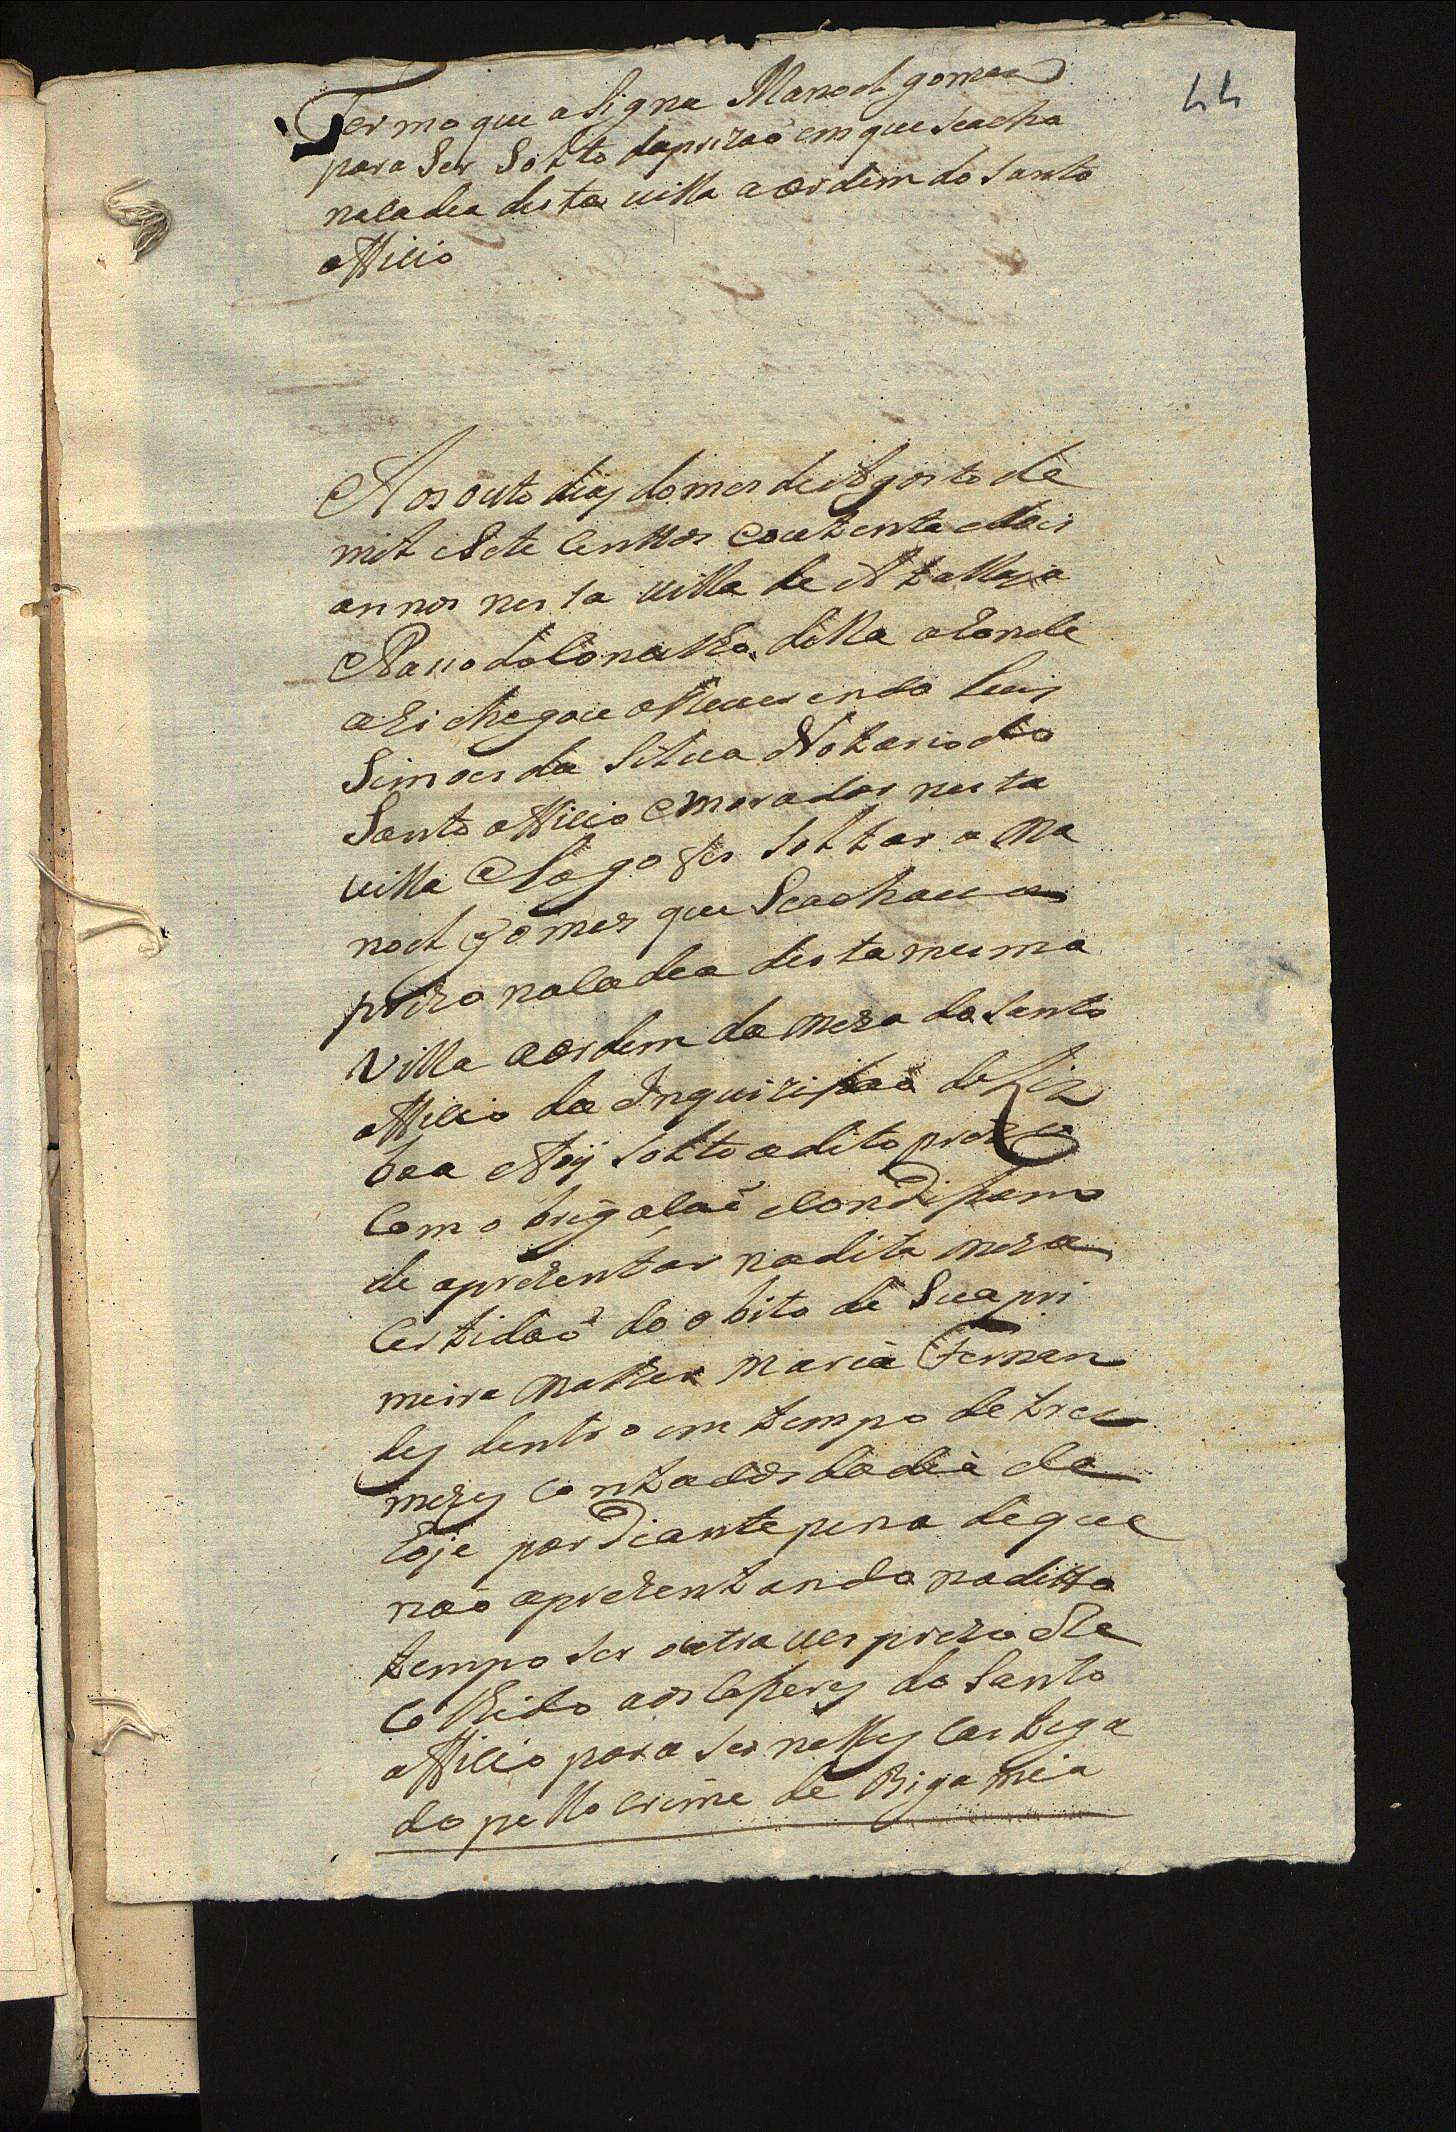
Termo que asigna Manoel gomes
para ser solto da prizaõ em que se acha
na cadea desta uilla a ordem do santo
officio
Aos outo dias do mes de Agosto de
mil e setecenttos e outenta e dois
annos nesta uilla de Atallaja
Passo do Concelho della ahonde
ahi chegou o Reuerendo Luiz
Simoes da Silua Notario do
Santo officio e morador nesta
uilla e logo fes soltar a Ma
noel Gomes que se achou
prezo na cadea desta mesma
villa a ordem da meza do Santo
officio da Inquizissaõ de Lis
boa e foy solto o dito prezo
com obrigaçaõ e condissam
de aprezentar na dita meza
Certidaõ do obito de sua pri
meira Molher Maria Fernan
des dentro em tempo de tres
mezes contados do dia de
hoje por diante pena de que
naõ aprezentando no ditto
tempo ser outra ues prezo e Re
colhido aos Casseres do Santo
officio para ser nelles castiga
do pello crime de Bigamia
